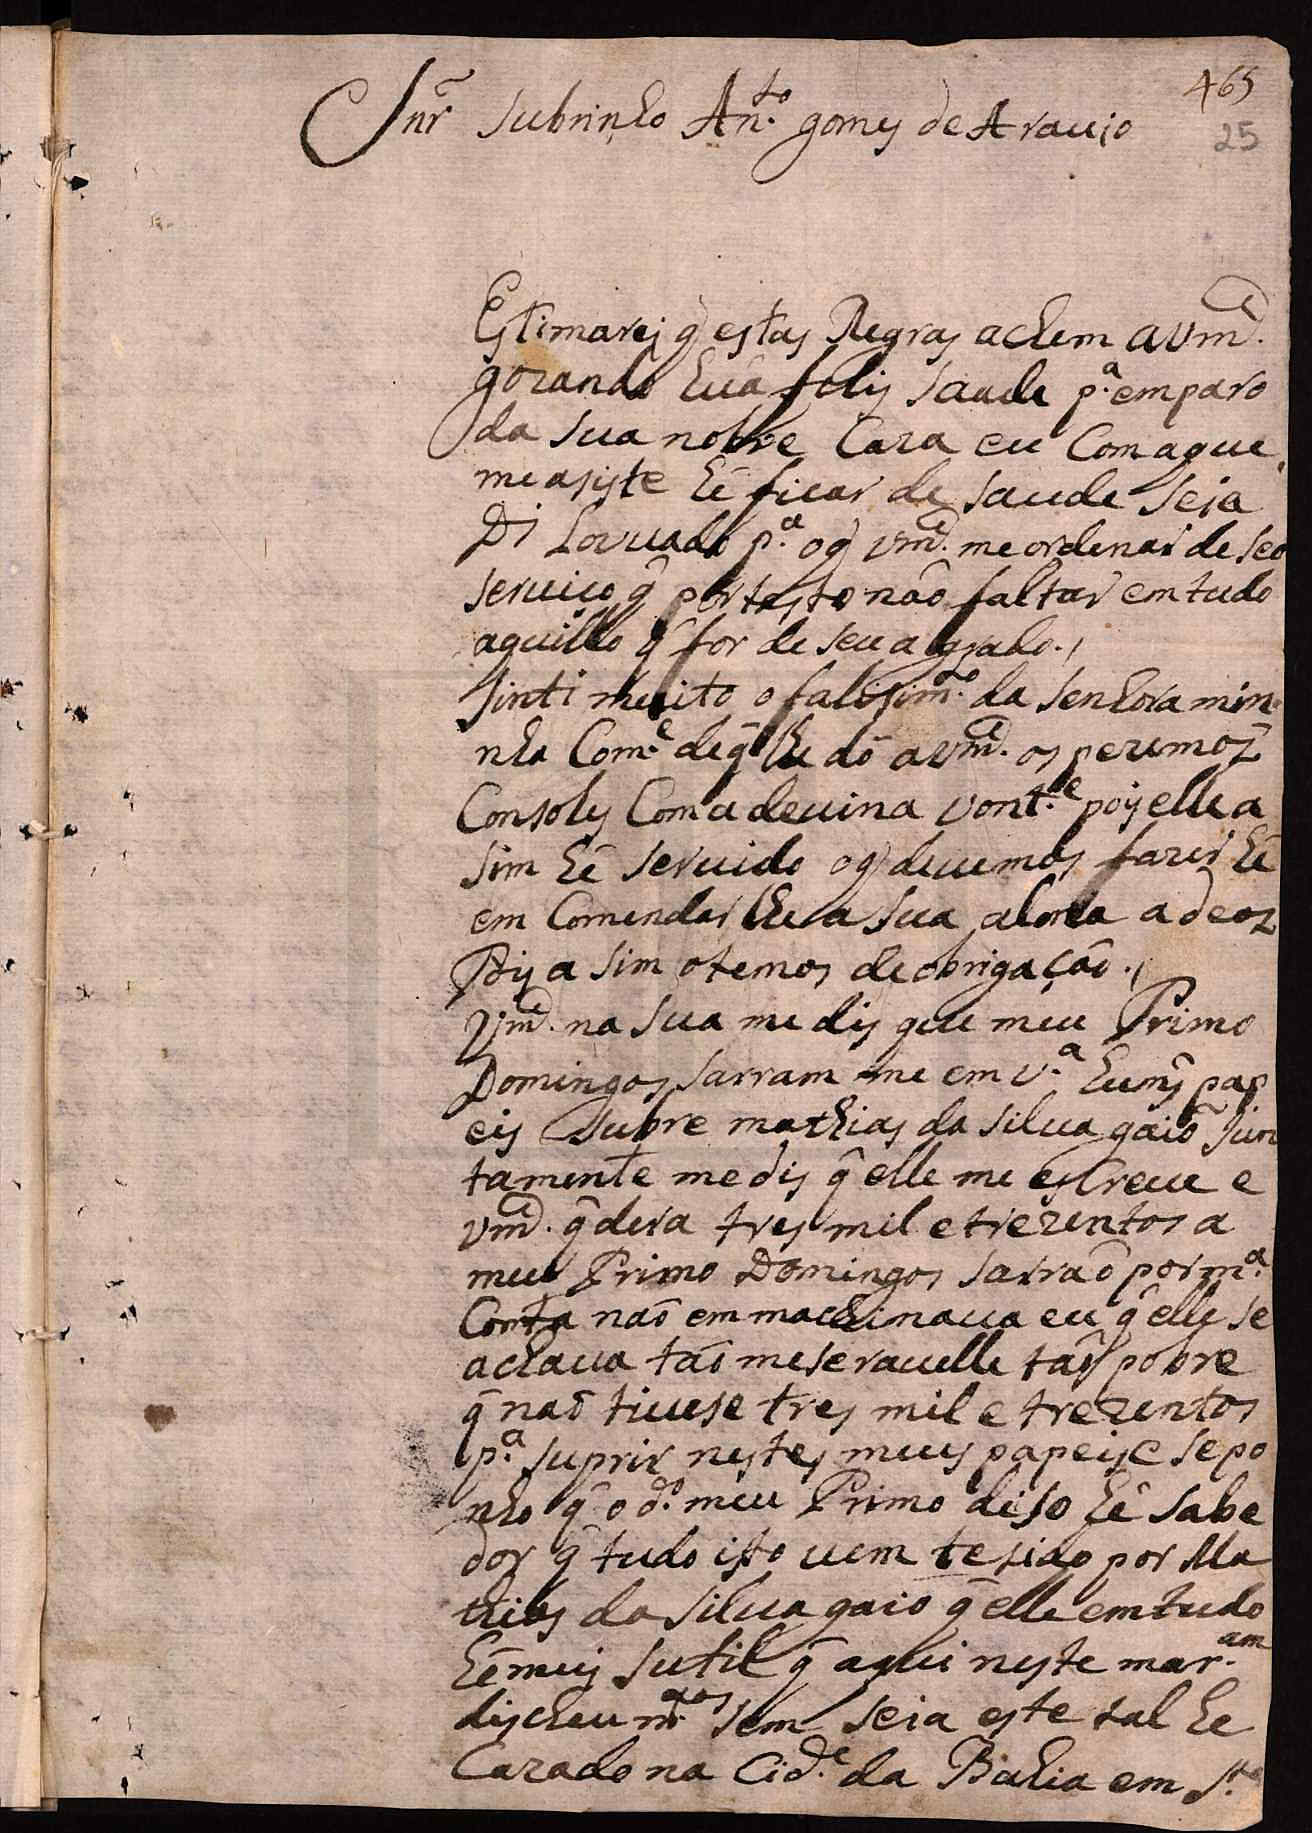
465
Snr̄ subrinho An.to gomes de Arauio
Estimarei q̄ estas Regras achem a vm.ce
gozando huā felis saude p.a emparo
da sua nobre Caza eu Com a que
me asiste hé ficar de saude seia
Ds̄ Louuado p.a o q̄ v m.ce me ordenar de seo
seruiço q̄ portesto naõ faltar em tudo
aquillo q̄ for de seu agrado./
sinti muito o falisim.to da Senhora min
nha Com.e de q̄ lhe dó a vm.ce os pezemoz
Consoles Com a deuina vont.e pois elle a
sim hé seruido o q̄ deuemos fazer hé
emComendarlhe a sua alma a deoz
Pois asim o temos de obrigaçaõ./
Vm.ce na sua me dis que meu Primo
Domingos Sarram me emv.a huns pap
eis subre mathias da Silua gaio Jun
tamente me dis q̄ elle me esCreue e
vm.ce q̄ dera tres mil e trezentos a
meu Primo Domingos sarraõ por m.a
Conta naõ emmachinaua eu q̄ elle se
achaua taõ meserauell e taõ pobre
q̄ naõ tiuese tres mil e trezentos
p.a suprir nestes meus papeis e sepo
nho q̄ o d.o meu Primo diso hé sabe
dor q̄ tudo isto uem tesido por Ma
thias da Silua gaio q̄ elle em tudo
hé muj sutil q̄ aqui neste mar.am
discheu m.tos sem seia este tal he
Cazado na Cid.e da Bahia em S.to
